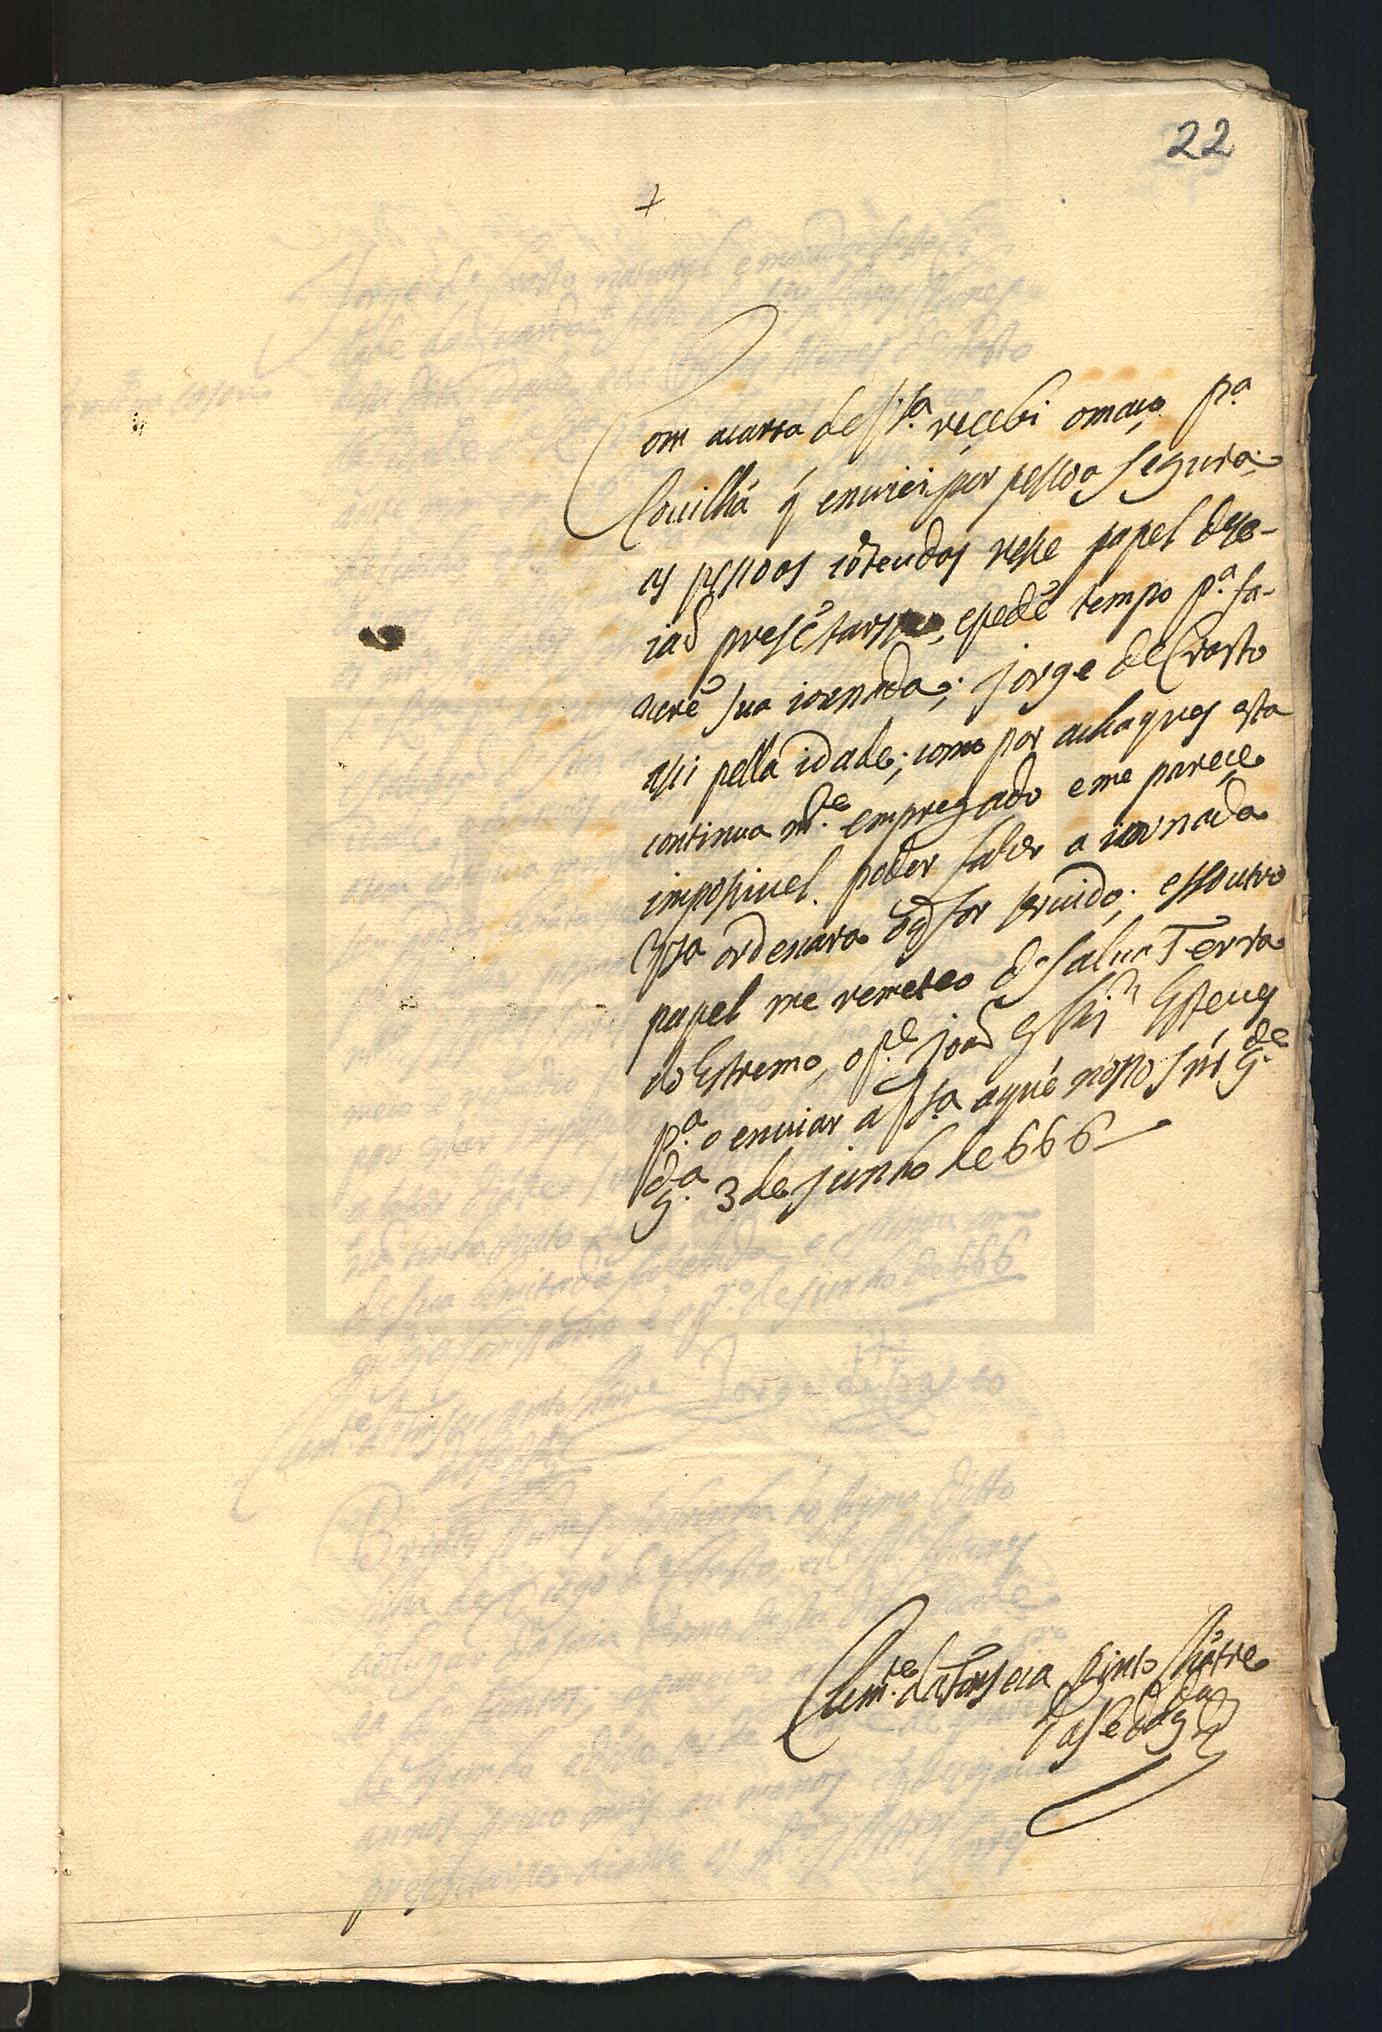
Com a carta de V s.a recebi o maço p.a
Couilhā q̄ enuiei por pessoa segura
as pessoas cōteudas nesse papel dese
iaõ presētarsse, e pedē tempo p.a fa
zerē sua iornada; jorge de Crasto
assi pella idade; como por achaques esta
continuam.te empregado e me parece
impossiuel poder fazer a iornada
V sa ordenara o q̄ for seruido; e noutro
papel me remeteo de saluaTerra
do Estremo, o p.e Joaõ glz̄ Esteues
p.a o enuiar a V s.a a quē nosso snr̄ g.de
g.da 3 de junho de 666 -
Clem.te da Fonseca pinto Chātre
da sé da gda
